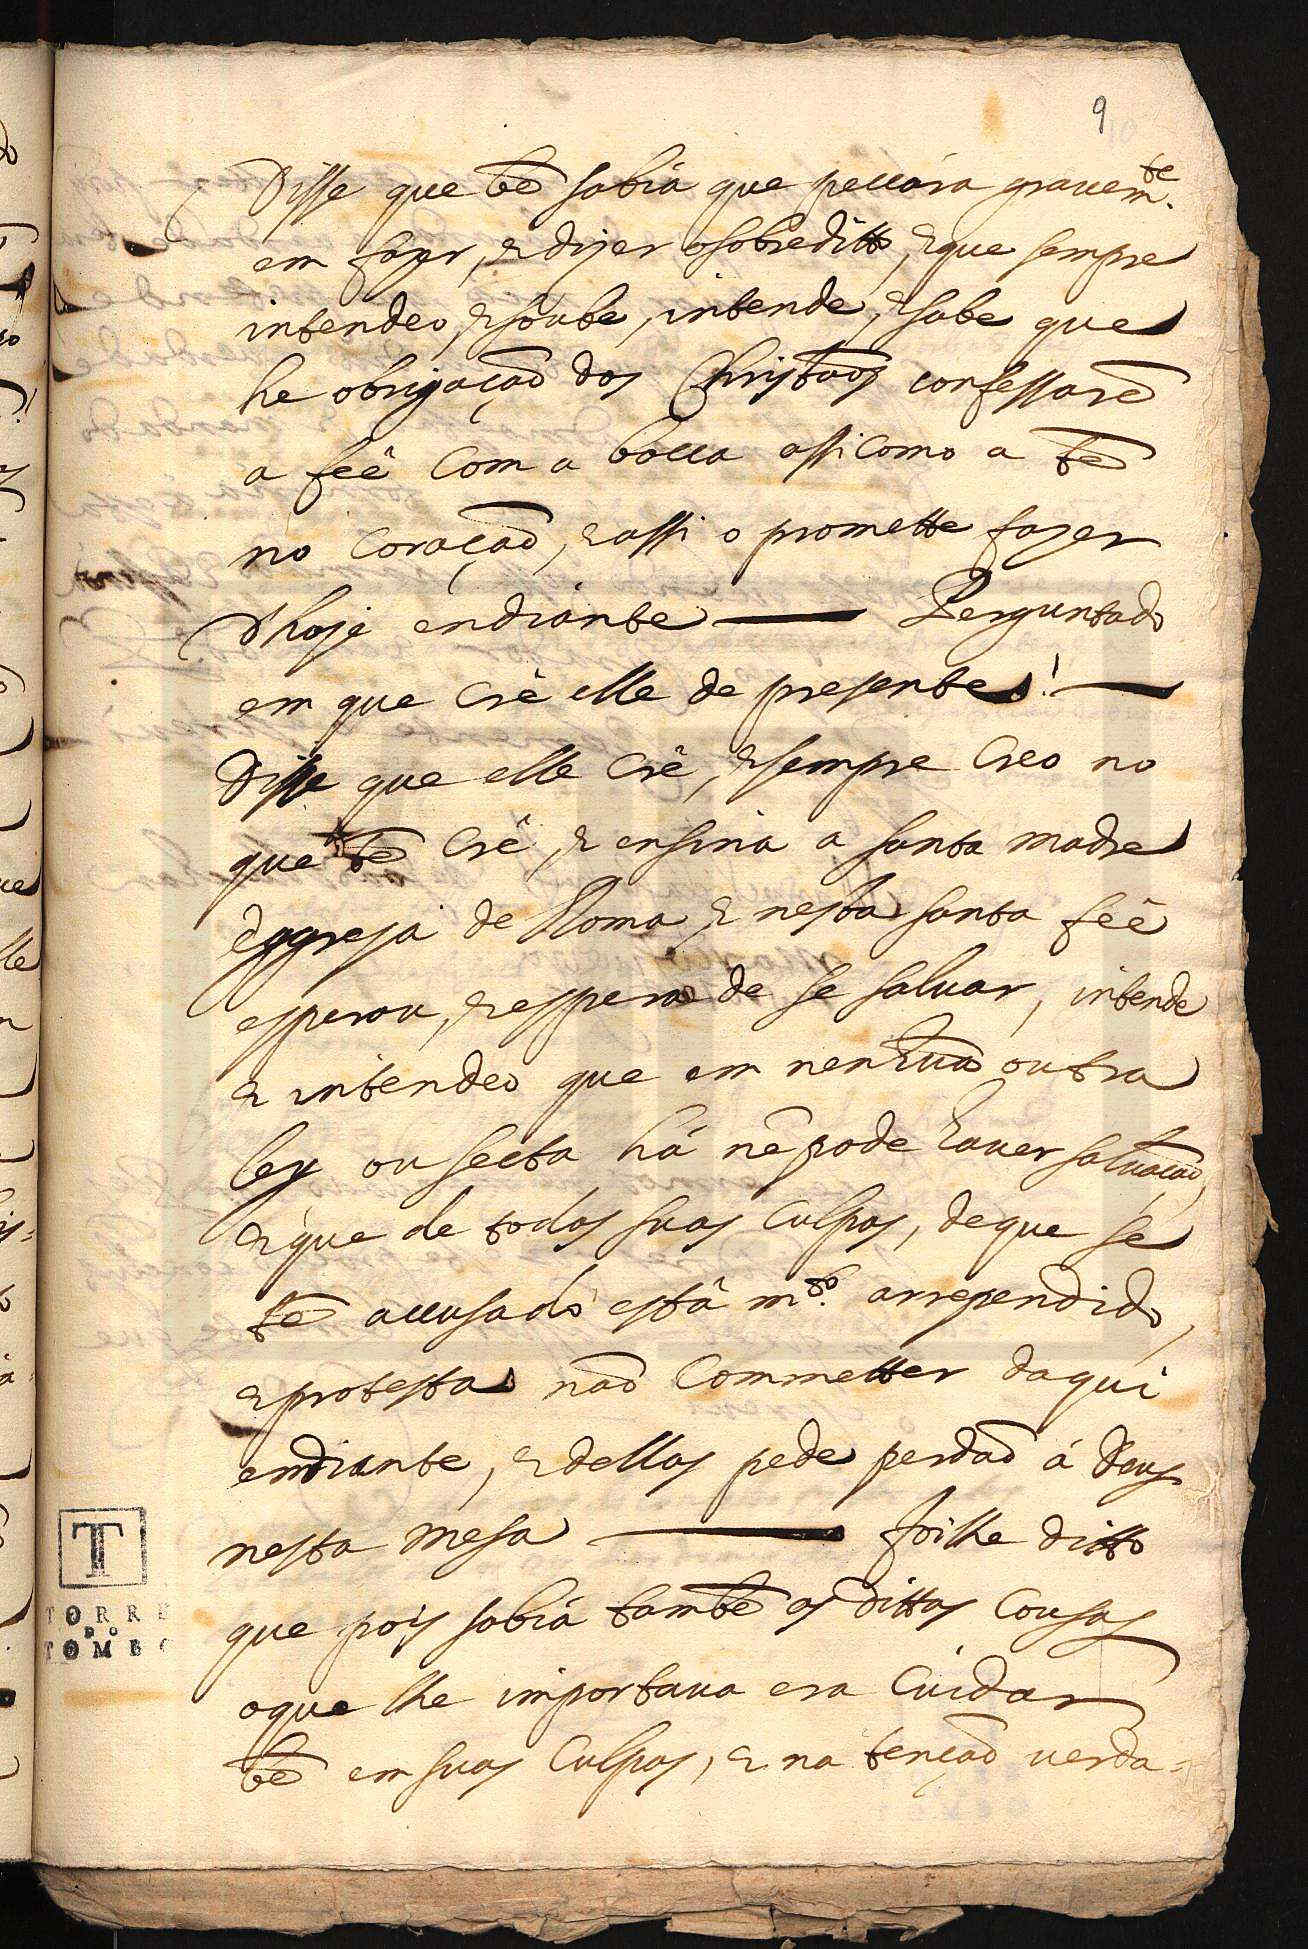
Disse que bē sabia que peccara grauemte
em fazer, E dizer o sobreditto, E que sempre
intendeo, E soube, intende, E sabe que
he obrigação dos Christãos confessarē
a feé com a bocca assi como a tē
no coração, E assi o prometteo fazer
d'hoje en diante
Perguntado
em que cre elle de presente?
Disse que elle crê, E sempre creo no
que tē crê, E ensina a santa madre
eggreja de Roma, E nesta santa feé
esperou, E espera de se saluar intende
E intendeo que em nenhuā outra
ley ou secta há nē pode hauer saluação
E que de todas suas culpas, de que se
tē accusado está m.to arrependido
E protesta não commetter daqui
em diante, E dellas pede perdaõ á Deus
nesta mesa
foi lhe ditto
que pois sabia tambē as dittas cousas
o que lhe importaua era cuidar
bē em suas culpas, e na tençaõ uerda
